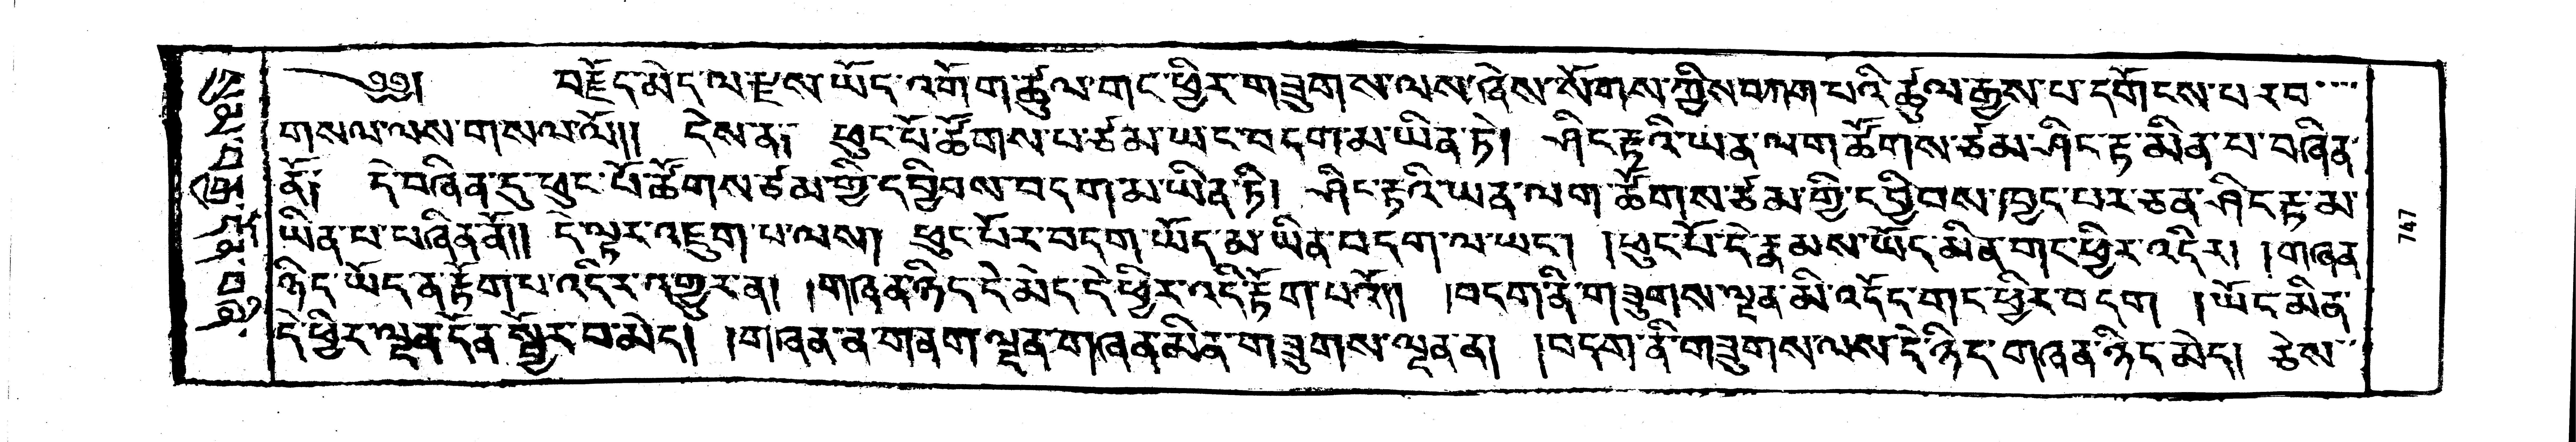༄༅། །བརྗོད་མེད་ལ་རྫས་ཡོད་འགོག་ཚུལ་གང་ཕྱིར་གཟུགས་ལས་ཞེས་སོགས་ཀྱི་བཀག་པའི་ཚུལ་རྒྱས་པ་དགོངས་པ་རབ་
གསལ་ལས་གསལ་ལོ། །དེས་ན། ཕུང་པོ་ཚོགས་པ་ཙམ་ཡང་བདག་མ་ཡིན་ཏེ། ཤིང་རྟའི་ཡན་ལག་ཚོགས་ཙམ་ཤིང་རྟ་མིན་པ་བཞིན་
ནོ༑ དེ་བཞིན་དུ་ཕུང་པོ་ཚོགས་ཙམ་གྱི་དབྱིབས་བདག་མ་ཡིན་ཏེ། ཤིང་རྟའི་ཡན་ལག་ཚོགས་ཙམ་གྱི་དབྱིབས་ཁྱད་པར་ཅན་ཤིང་རྟ་མ་
ཡིན་པ་བཞིན་ནོ། །དེ་ལྟར་འཇུག་པ་ལས། ཕུང་པོར་བདག་ཡོད་མ་ཡིན་བདག་ལ་ཡང་། །ཕུང་པོ་དེ་རྣམས་ཡོད་མིན་གང་ཕྱིན་འདིར། །གཞན་
ཉིད་ཡོད་ན་རྟོག་པ་འདིར་འགྱུར་ན། །གཞན་ཉིད་དེ་མེད་དེ་ཕྱིར་འདི་རྟོག་པའོ། །བདག་ནི་གཟུགས་ལྡན་མི་འདོད་གང་ཕྱིར་བདག །ཡོད་མིན་
དེ་ཕྱིར་ལྡན་དོན་སྦྱོར་བ་མེད། །གཞན་ན་གནག་ལྡན་གཞན་མིན་གཟུགས་ལྡན་ན། །བདག་ནི་གཟུགས་ལས་དེ་ཉིད་གཞན་ཉིད་མེད། ཅེས་